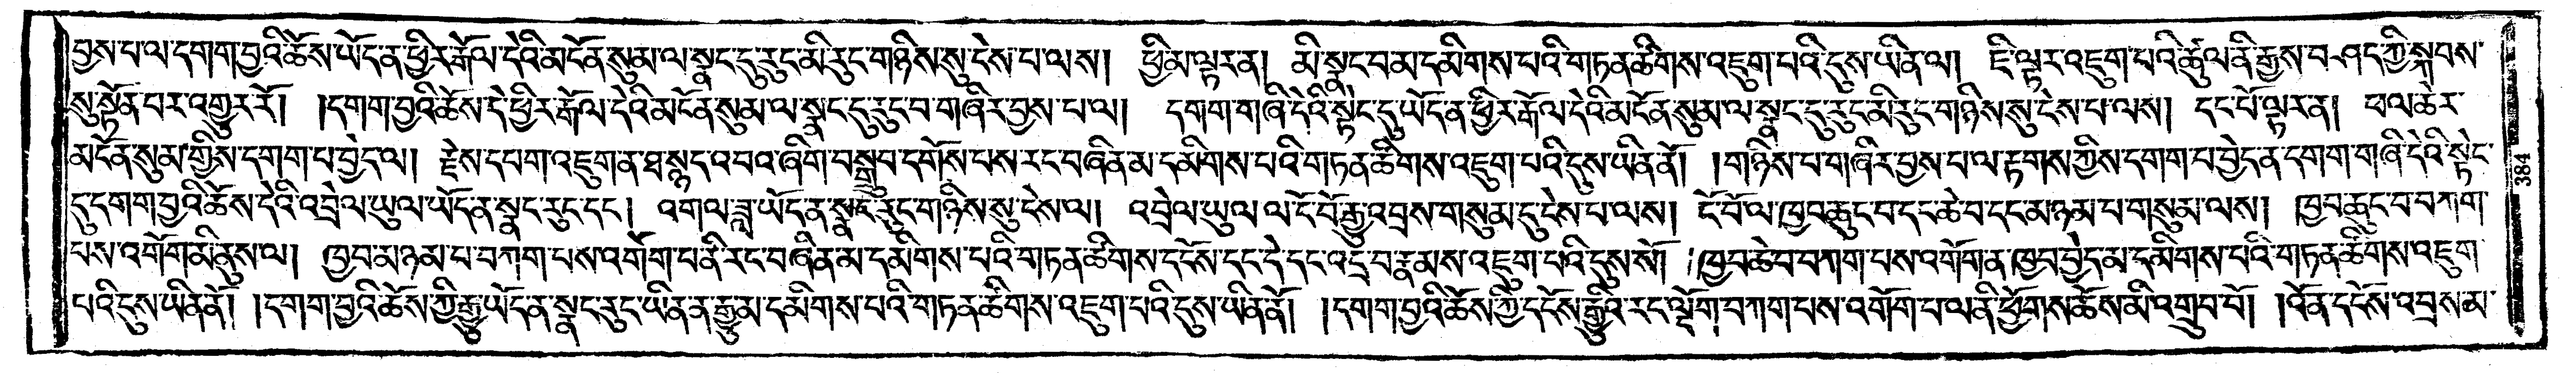བྱས་པ་ལ་དགག་བྱའི་ཆོས་ཡོད་ན་ཕྱིར་རྒོལ་དེའི་མངོན་སུམ་ལ་སྣང་དུ་རུང་མི་རུང་གཉིས་སུ་ངེས་པ་ལས། ཕྱི་མ་ལྟར་ན། མི་སྣང་བ་མ་དམིགས་པའི་གཏན་ཚིགས་འཇུག་པའི་དུས་ཡིན་ལ། ཇི་ལྟར་འཇུག་པའི་ཚུལ་ནི་རྒྱས་བཤད་ཀྱི་སྐབས་
སུ་སྟོན་པར་འགྱུར་རོ། །དགག་བྱའི་ཆོས་དེ་ཕྱིར་རྒོལ་དེའི་མངོན་སུམ་ལ་སྣང་དུ་རུང་དུ་རུང་བའི་གཞིར་བྱས་པ་ལ། དགག་གཞི་དེའི་སྟེང་དུ་ཡོད་ན་ཕྱིར་རྒོལ་དེའི་མངོན་སུམ་ལ་སྣང་དུ་རུང་མི་རུང་གཉིས་སུ་ངེས་པ་ལས། དང་པོ་ལྟར་ན། ཕལ་ཆེར་
མངོན་སུམ་གྱིས་དགག་པ་བྱེད་ལ། རྗེས་དཔག་འཇུག་ན་ཐ་སྙད་འབའ་ཞིག་བསྒྲུབ་དགོས་པས་རང་བཞིན་མ་དམིགས་པའི་གཏན་ཚིགས་འཇུག་པའི་དུས་ཡིན་ནོ། །གཉིས་པ་གཞིར་བྱས་པ་ལ་རྟགས་ཀྱིས་དགག་པ་བྱེད་ན་དགག་གཞི་དེའི་སྟེང་
དུ་དགག་བྱའི་ཆོས་དེའི་འབྲེལ་ཡུལ་ཡོད་ན་སྣང་རུང་དང་། འགལ་ཟླ་ཡོད་ན་སྣང་རུང་གཉིས་སུ་ངེས་ལ། འབྲེལ་ཡུལ་ལ་ངོ་བོ་རྒྱུ་འབྲས་གསུམ་དུ་ངེས་པ་ལས། ངོ་བོ་ལ་ཁྱབ་ཆུང་བ་དང་ཆེ་བ་དང་མཉམ་པ་གསུམ་ལས། ཁྱབ་ཆུང་བ་བཀག་
པས་འགོག་མི་ནུས་ལ། ཁྱབ་མཉམ་པ་བཀག་པས་འགོག་པ་ནི་རང་བཞིན་མ་དམིགས་པའི་གཏན་ཚིགས་དངོས་དང་དེ་དང་འདྲ་བ་རྣམས་འཇུག་པའི་དུས་སོ། །ཁྱབ་ཆེ་བ་བཀག་པས་འགོག་ན་ཁྱབ་བྱེད་མ་དམིགས་པའི་གཏན་ཚིགས་འཇུག་
པའི་དུས་ཡིན་ནོ། །དགག་བྱའི་ཆོས་ཀྱི་རྒྱུ་ཡོད་ན་སྣང་རུང་ཡིན་ན་རྒྱུ་མ་དམིགས་པའི་གཏན་ཚིགས་འཇུག་པའི་དུས་ཡིན་ནོ། །དགག་བྱའི་ཆོས་ཀྱི་དངོས་རྒྱུའི་རང་ལྡོག་བཀག་པས་འགོག་པ་ལ་ནི་ཕྱོགས་ཆོས་མི་འགྲུབ་བོ། །འོ་ན་དངོས་འབྲས་མ་